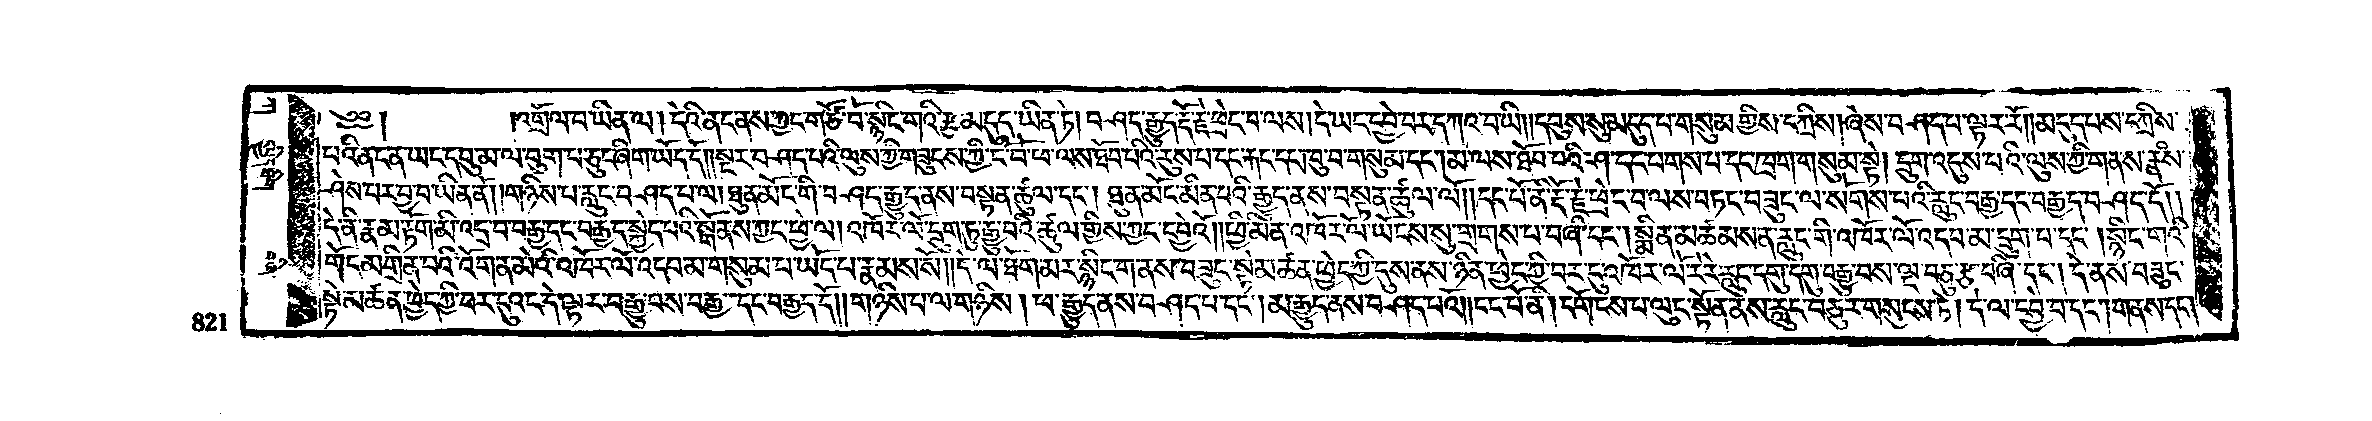༄༅། །འགྲོལ་བ་ཡིན་ལ། དེའི་ནང་ནས་ཀྱང་གཙོ་བོ་སྙིང་གའི་རྩ་མདུད་ཡིན་ཏེ། བཤད་རྒྱུད་རྡོ་རྗེ་ཕྲེང་བ་ལས། དེ་ཡང་དབྱེ་བར་དཀའ་བ་ཡི། །དབུས་སུ་མདུད་པ་གསུམ་གྱིས་དཀྲིས། ཞེས་བཤད་པ་ལྟར་རོ། །མདུད་པས་དཀྲིས་
པའི་ནང་ན་ཡང་དབུ་མ་ལ་བུག་པ་ཅུང་ཞིག་ཡོད་དོ། །སྔར་བཤད་པའི་ལུས་ཀྱི་གཟུངས་ཀྱི་ངོ་བོ་ཕ་ལས་ཐོབ་པའི་རུས་པ་དང་རྐང་དང་ཁུ་བ་གསུམ་དང་། མ་ལས་ཐོབ་པའི་ཤས་དང་པགས་པ་དང་ཁྲག་གསུམ་སྟེ། དྲུག་འདུས་པའི་ལུས་ཀྱི་གནས་རྣམས་
ཤེས་པར་བྱ་བ་ཡིན་ནོ། །གཉིས་པ་རླུང་བཤད་པ་ལ། ཐུན་མོང་གི་བཤད་རྒྱུད་ནས་བསྟན་ཚུལ་དང་། ཐུན་མོང་མིན་པའི་རྒྱུད་ནས་བསྟན་ཚུལ་ལོ། །དང་པོ་ནི་རྡོ་རྗེ་ཕྲེང་བ་ལས་བཏང་བཟུང་ལ་སོགས་པའི་རླུང་བརྒྱ་དང་བརྒྱད་བཤད་དོ། །
དེ་ནི་རྣམ་རྟོག་མི་འདྲ་བ་བརྒྱ་དང་བརྒྱད་སྐྱེད་པའི་སྒོ་ནས་ཀྱང་ཕྱེ་ལ། འཁོར་ལོ་དྲུག་ཏུ་རྒྱུ་བའི་ཚུལ་གྱིས་ཀྱང་དབྱེའོ། །ཕྱི་མིན་འཁོར་ལོ་ཡོངས་སུ་གྲགས་པ་བཞི་དང་། སྨིན་མཚམས་ན་རླུང་གི་འཁོར་ལོ་འདབ་མ་དྲུག་པ་དང་། སྙིང་གའི་
གོང་མགྲིན་པའི་འོག་ན་མེའི་འཁོར་ལོ་འདབ་མ་གསུམ་པ་ཡོད་པ་རྣམས་སོ། །དེ་ལ་ཐོག་མར་སྙིང་གནས་བཟུང་སྟེ་མཚན་ཕྱེད་ཀྱི་དུས་ནས་ཉིན་ཕྱེད་ཀྱི་བར་དུ་འཁོར་ལོ་རེ་རེ་རླུང་དགུ་དགུ་བརྒྱུ་བས་ལྔ་བཅུ་རྩ་བཞི་དང་། དེ་ནས་བཟུང་
སྟེ་མཚན་ཕྱེད་ཀྱི་བར་དུའང་དེ་ལྟར་བརྒྱུ་བས་བརྒྱ་དང་བརྒྱད་དོ། །གཉིས་པ་ལ་གཉིས། ཕ་རྒྱུད་ནས་བཤད་པ་དང་། མ་རྒྱུད་ནས་བཤད་པའོ། །དང་པོ་ནི། དགོངས་པ་ལུང་སྟོན་ནས་རླུང་བཅུར་གསུངས་ཏེ། དེ་ལ་དབྱེ་བ་དང་། གནས་དང་།